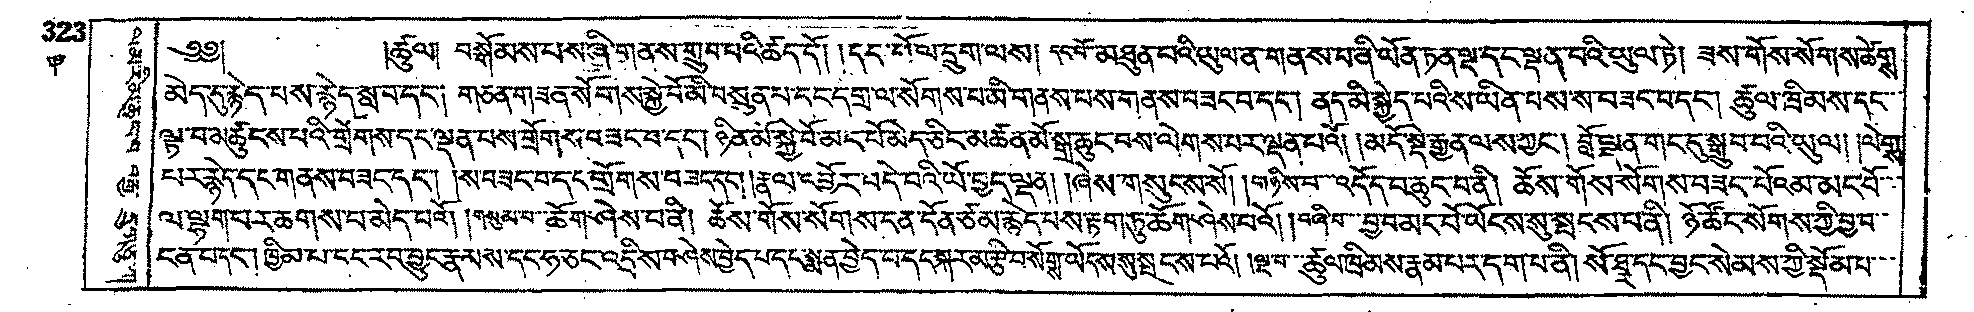༄༅། །ཚུལ། བསྒོམས་པས་ཞི་གནས་གྲུབ་པའི་ཚད་དོ། །དང་པོ་ལ་དྲུག་ལས། དང་པོམཐུན་པའི་ཡུལ་ན་གནས་པ་ནི་ཡོན་ཏན་ལྔ་དང་ལྡན་པའི་ཡུལ་ཏེ། ཟས་གོས་སོགས་ཚེགས་
མེད་དུ་རྙེད་པས་རྙེད་སླ་བ་དང་། གཅན་གཟན་སོགས་སྐྱེ་བོ་མི་བསྲུན་པ་དང་དགྲ་ལ་སོགས་པ་མི་གནས་པས་གནས་བཟང་བ་དང་། ནད་མི་སྐྱེད་པའི་ས་ཡིན་པས་ས་བཟང་བ་དང་། ཚུལ་ཁྲིམས་དང་
ལྟ་བ་མཚུངས་པའི་གྲོགས་དང་ལྡན་པས་གྲོགས་བཟང་བ་དང་། ཉིན་མོ་སྐྱེ་བོ་མང་པོ་མེད་ཅིང་མཚན་མོ་སྒྲ་ཆུང་བས་ལེགས་པར་ལྡན་པའོ། །མདོ་སྡེ་རྒྱན་ལས་ཀྱང་། བློ་ལྡན་གང་དུ་སྒྲུབ་པའི་ཡུལ། །ལེགས་
པར་རྙེད་དང་གནས་བཟང་དང་། །ས་བཟང་བ་དང་གྲོགས་བཟང་དང་། །རྣལ་འབྱོར་བདེ་བའི་ཡོ་བྱད་ལྡན། །ཞེས་གསུངས་སོ། །གཉིས་པའདོད་པ་ཆུང་བ་ནི། ཆོས་གོས་སོགས་བཟང་པོའམ་མང་པོ་
ལ་ལྷག་པར་ཆགས་པ་མེད་པའོ། །གསུམ་པཆོག་ཤེས་པ་ནི། ཆོས་གོས་སོགས་དན་དོན་ཙམ་རྙེད་པས་རྟག་ཏུ་ཆོག་ཤེས་པའོ། །བཞི་པབྱ་བ་མང་པོ་ཡོངས་སུ་སྤངས་པ་ནི། ཉོ་ཚོང་སོགས་ཀྱི་བྱ་བ་
ངན་པ་དང་། ཁྱིམ་པ་དང་རབ་བྱུང་རྣམས་དང་ཧ་ཅང་འདྲིས་བཤེས་བྱེད་པ་དང་སྨན་བྱེད་པ་དང་སྐར་མ་རྩི་བ་སོགས་ཡོངས་སུ་སྤངས་པའོ། །ལྔ་པཚུལ་ཁྲིམས་རྣམ་པར་དག་པ་ནི། སོ་ཐར་དང་བྱང་སེམས་ཀྱི་སྡོམ་པ་